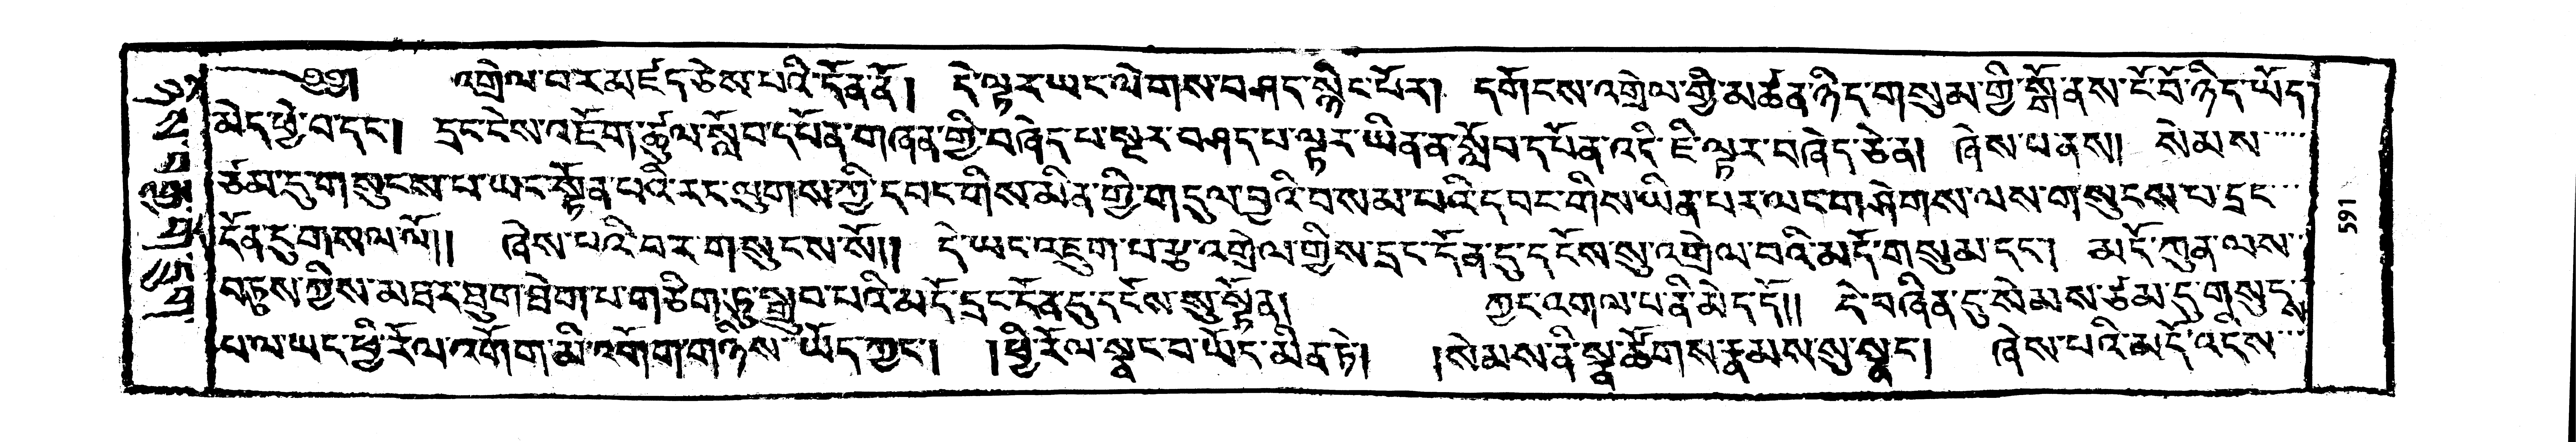༄༅། །འགྲེལ་བར་མཛད་ཅེས་པའི་དོན་ནོ། དེ་ལྟར་ཡང་ལེགས་བཤད་སྙིང་པོར། དགོངས་འགྲེལ་གྱི་མཚན་ཉིད་གསུམ་གྱི་སྒོ་ནས་ངོ་བོ་ཉིད་ཡོད་
མེད་ཕྱེ་བ་དང་། དྲང་ངེས་འཇོག་ཚུལ་སློབ་དཔོན་གཞན་གྱི་བཞེད་པ་སྔར་བཤད་པ་ལྟར་ཡིན་ན་སློབ་དཔོན་འདི་ཇི་ལྟར་བཞེད་ཅེ་ན། ཞེས་པ་ནས། སེམས་
ཙམ་དུ་གསུངས་པ་ཡང་སྟོན་པའི་རང་ལུགས་ཀྱི་དབང་གིས་མིན་གྱི་གདུལ་བྱའི་བསམ་པའི་དབང་གིས་ཡིན་པར་ལང་གཤེགས་ལས་གསུངས་པ་དྲང་
དོན་དུ་གསལ་ལོ། །ཞེས་པའི་བར་གསུངས་སོ། །དེ་ཡང་འཇུག་པ་རྩ་འགྲེལ་གྱིས་དྲང་དོན་དུ་དངོས་སུ་འགྲེལ་པའི་མདོ་གསུམ་དང་། མདོ་ཀུན་ལས་
བཏུས་ཀྱིས་མཐར་ཐུག་ཐེག་པ་གཅིག་ཏུ་སྒྲུབ་པའི་མདོ་དྲང་དོན་དུ་དངོས་སུ་སྟོན། ཀྱང་འགལ་པ་ནི་མེད་དོ། །དེ་བཞིན་དུ་སེམས་ཙམ་དུ་གསུངས་
པ་ལ་ཡང་ཕྱི་རོལ་འགོག་མི་འགོག་གཉིས་ཡོད་ཀྱང་། །ཕྱི་རོལ་སྣང་བ་ཡོད་མིན་ཏེ། །སེམས་ནི་སྣ་ཚོགས་རྣམས་སུ་སྣང་། ཞེས་པའི་མདོ་འདིས་